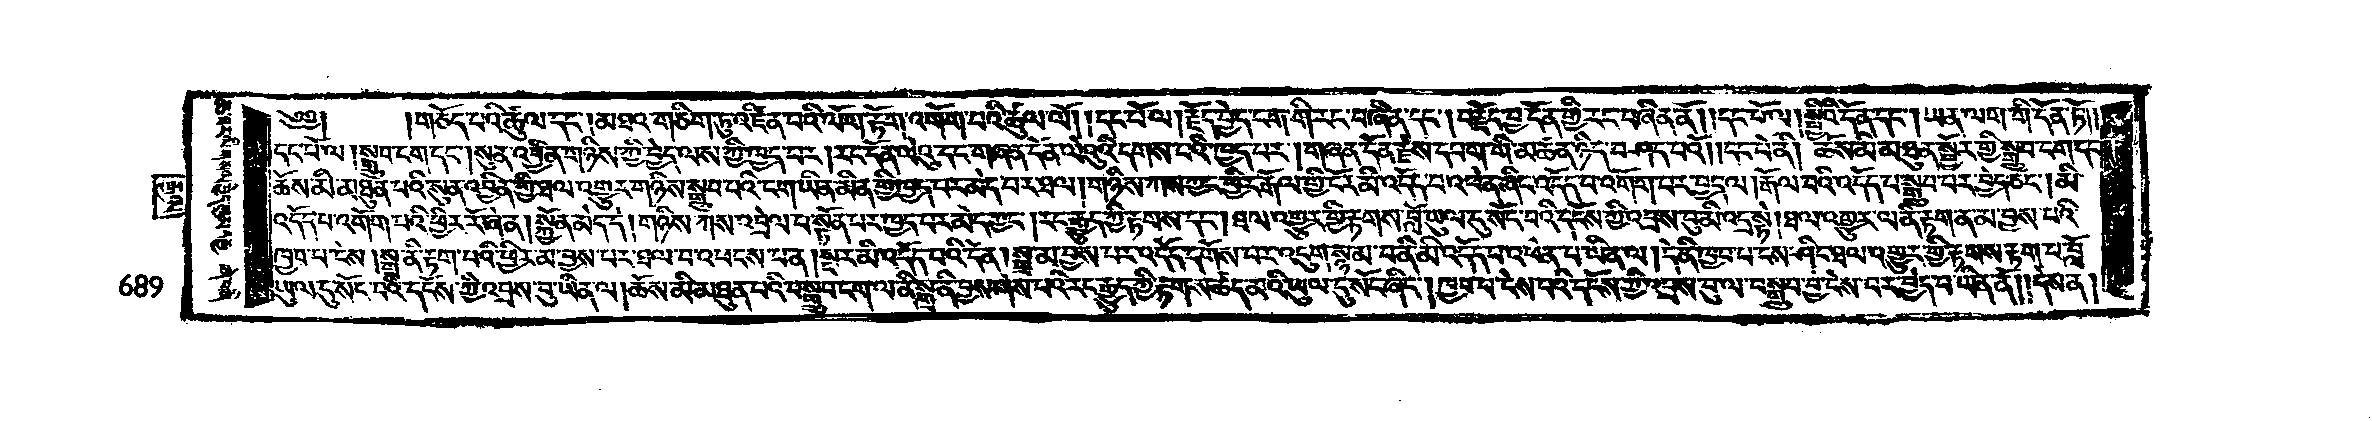༄༅། །གཅོད་པའི་ཚུལ་དང་། མཐའ་གཅིག་ཏུ་འཛིན་པའི་ལོག་རྟོག་འགོག་པའི་ཚུལ་ལོ། །དང་པོ་ལ། རྗོད་བྱེད་ངག་གི་རང་བཞིན་དང་། བརྗོད་བྱ་དོན་གྱི་རང་བཞིན་ནོ། །དང་པོ་ལ། སྤྱིའི་དོན་དང་། ཡན་ལག་གི་དོན་ཏོ། །
དང་པོ་ལ། སྒྲུད་ངག་དང་། སུན་འབྱིན་གཉིས་ཀྱི་བྱེད་ལས་ཀྱི་ཁྱད་པར། རང་དོན་ལེའུ་དང་གཞན་དོན་ལེའུའི་དགོས་པའི་ཁྱད་པར། གཞན་དོན་རྗེས་དཔག་གི་མཚན་ཉིད་བཤད་པའོ། །དང་པོ་ནི། ཆོས་མི་མཐུན་སྦྱོར་གྱི་སྒྲུབ་དག་དང་
ཆོས་མི་མཐུན་པའི་སུན་འབྱིན་གྱི་ཐལ་འགྱུར་གཉིས་སྒྲུབ་པའི་ངག་ཡིན་མིན་གྱི་ཁྱད་པར་མེད་པར་ཐལ། གཉིས་ཀས་ཀྱང་ཕྱིར་རྒོལ་གྱི་ངོར་མི་འདོད་པ་འཕེན་ཞིང་འདོད་པ་འགོག་པར་བྱད་ལ། རྒོལ་བའི་འདོད་པ་སྒྲུབ་པར་བྱེད་ཅིང་། མི་
འདོད་པ་འགོག་པའི་ཕྱིར་རོ་ཞེ་ན། སྐྱོན་མེད་དེ། གཉིས་ཀས་འབྲེལ་བ་སྟོན་པར་ཁྱད་པར་མེད་ཀྱང་། རང་རྒྱུད་ཀྱི་རྟགས་དང་། ཐལ་འགྱུར་གྱི་རྟགས་བློ་ཡུལ་དུ་སོང་བའི་དངོས་ཀྱི་འབྲས་བུ་མི་འདྲ་སྟེ། ཐལ་འགྱུར་ལ་ནི་རྟག་ན་མ་བྱས་པའི་
ཁྱབ་པ་ངེས། སྒ་ནི་རྟག་པའི་ཕྱིར་མ་བྱས་པར་ཐལ་བ་འཕངས་པ་ན། སྔར་མི་འདོད་པའི་དོན། སྒྲ་མ་བྱས་པར་འདོད་དགོས་པར་འདུག་སྙམ་པ་ནི་མི་འདོད་པ་འཕེན་པ་ཡིན་ལ། དེ་ནི་ཁྱབ་པ་ངས་ཤིང་ཐལ་འགྱུར་གྱི་རྟགས་རྟག་པ་བློ་
ཡུལ་དུ་སོང་བའི་དངོས་ཀྱི་འབྲས་བུ་ཡིན་ལ། ཆོས་མི་མཐུན་པའི་བསྒྲུབ་དག་ལ་ནི་སྒྲ་ནི་བྱས་ཞེས་པའི་རང་རྒྱུད་ཀྱི་རྟགས་ཚད་མའི་ཡུལ་དུ་སོང་ཞིང་། ཁྱབ་པ་ངེས་པའི་དངོས་ཀྱི་འབྲས་བུ་ལ་བསྒྲུབ་བྱ་ངེས་པར་བྱེད་པ་ཡིན་ནོ། །དེས་ན།